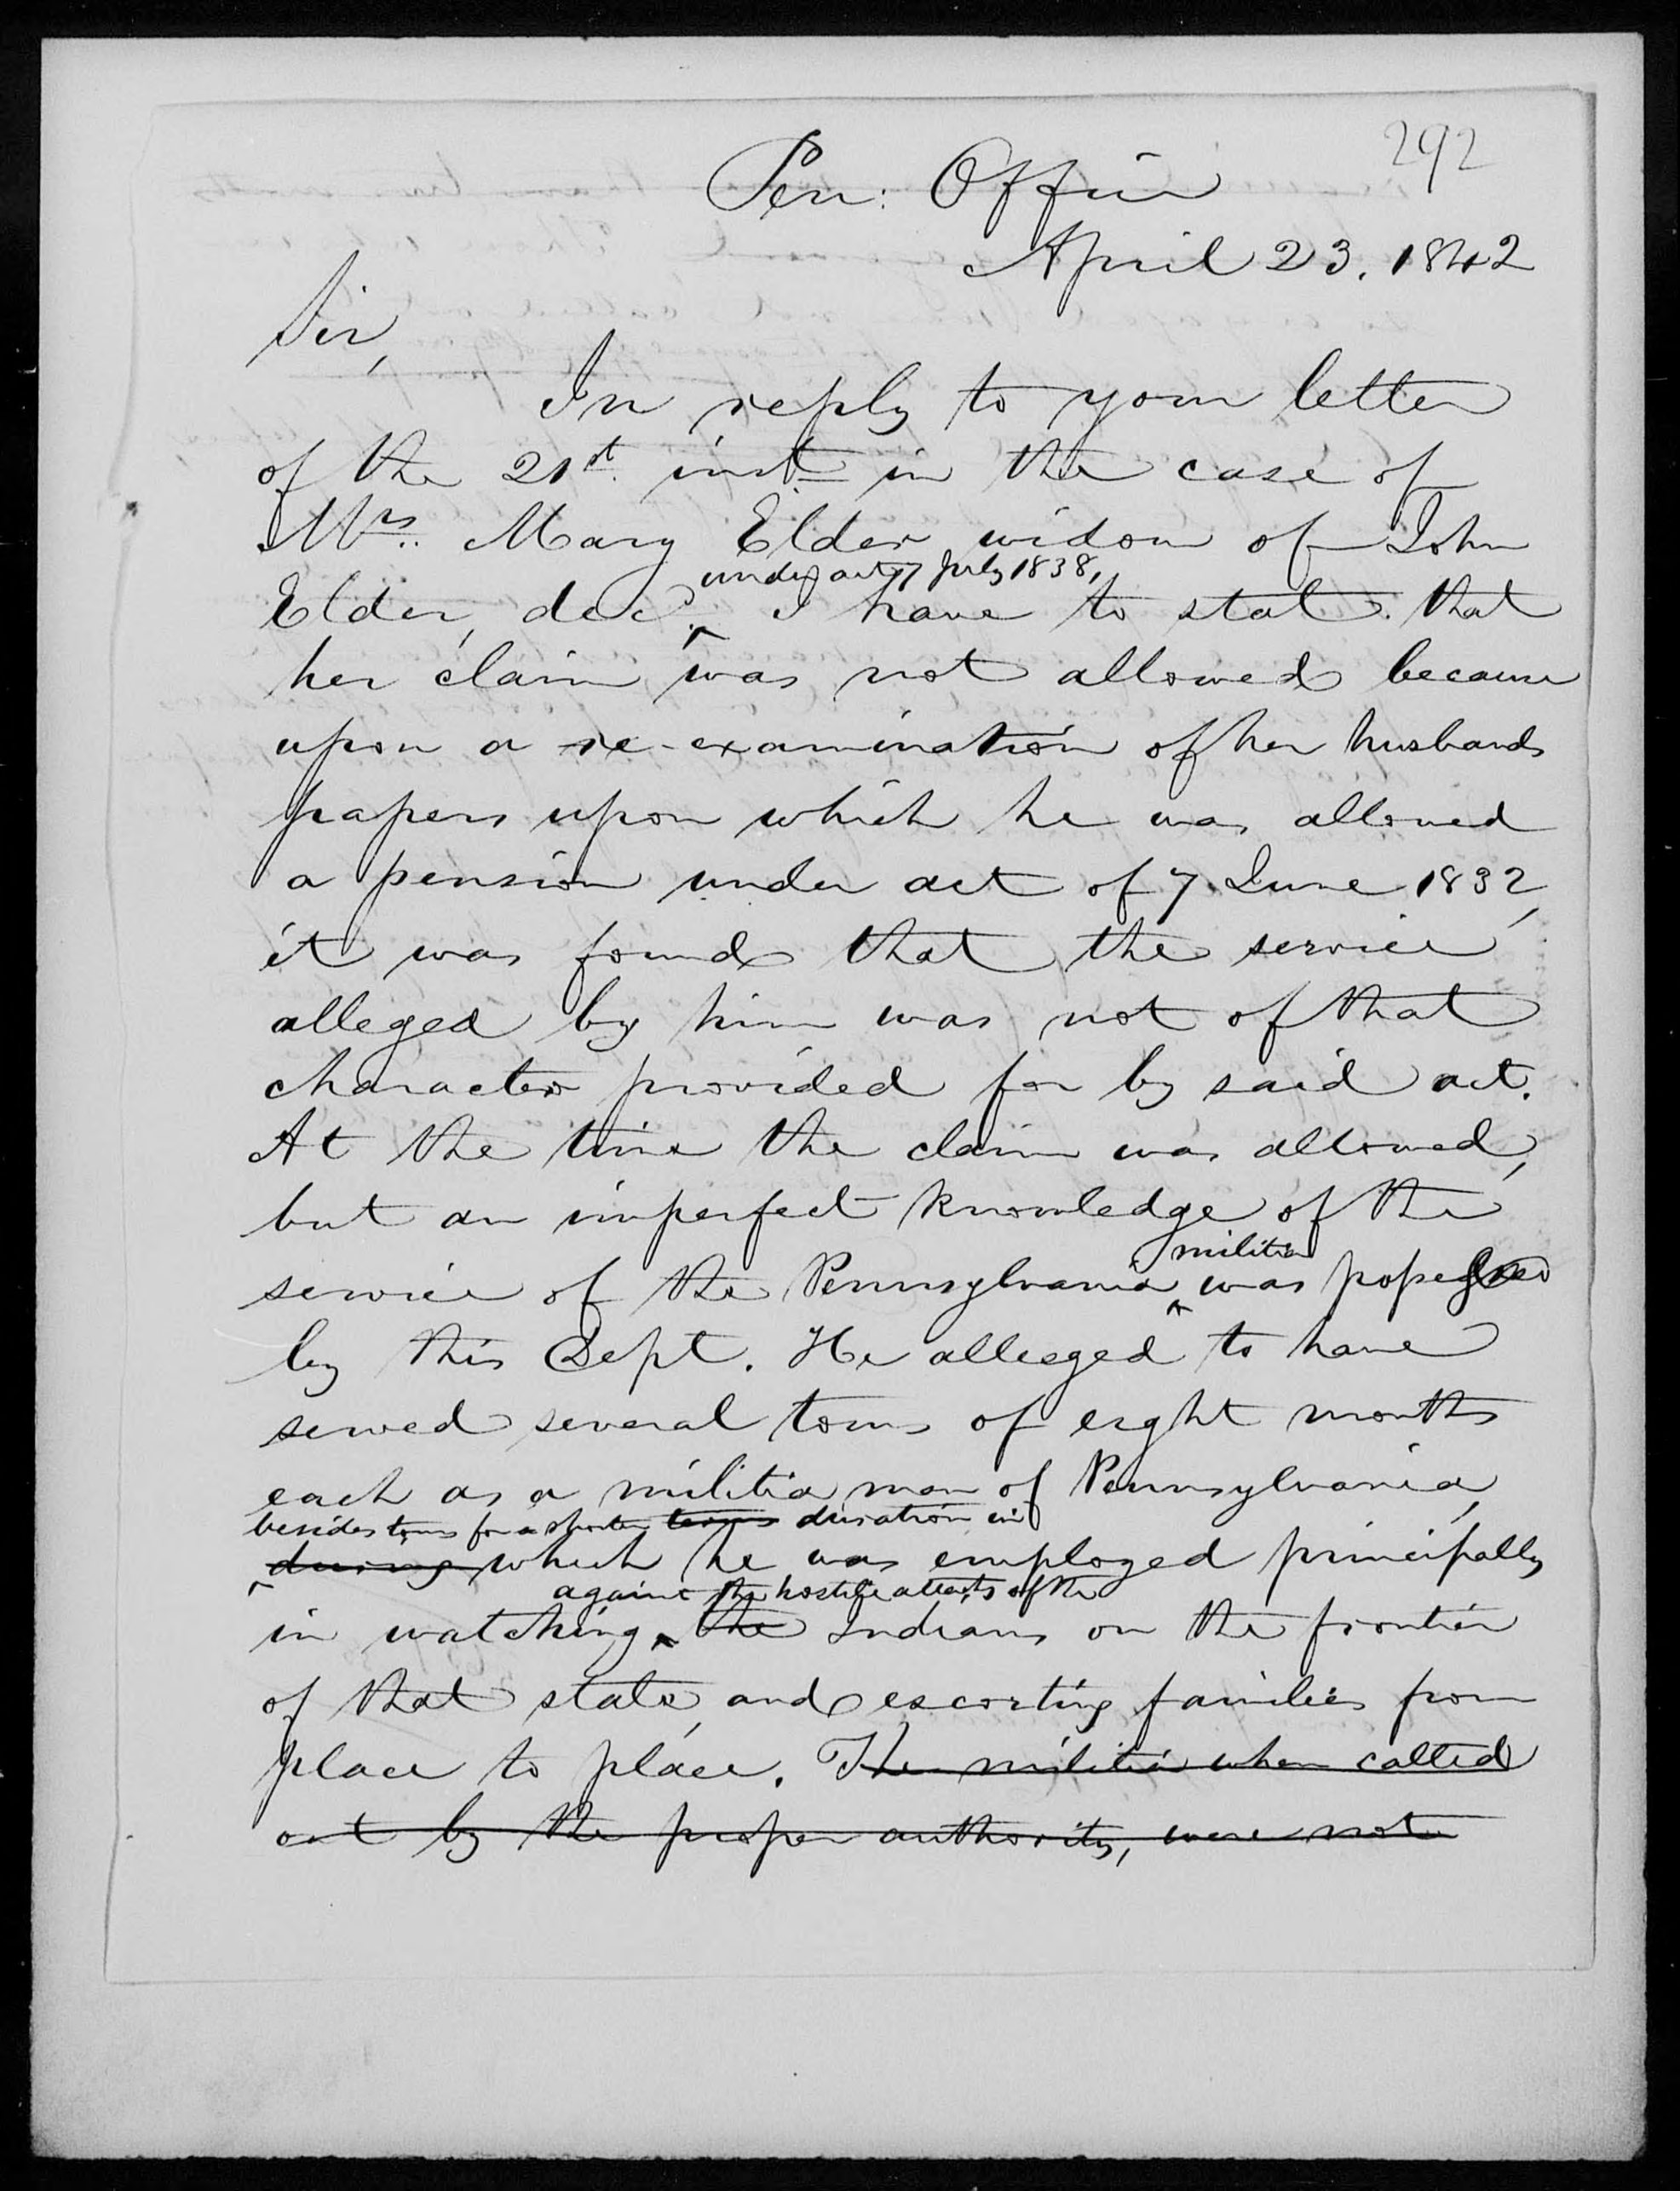Senator Offin
April 23, 1842

Sir,


In reply to your letter of the 20th inst. [instant, meaning of the current month] in the case of Mrs. Mary Elder, widow of John Elder, dec’d [deceased 7 July, 1838], I have to state that her claim was not allowed because upon a re-examination of her husband's papers upon which he was allowed a pension under act of June 1832, it was found that the service alleged by him was not of that character provided for by said act. At the time the claim was allowed but on imperfect knowledge of the service of the Pennsylvania militia was presented by his Dept. He alleged to have served several terms of eight months each as a militia man of Pennsylvania {Strike though "during"} besides terms for shorter durations in which he was employed principally in watching {strike through "the"} against the hostile attacks of Indians on the frontiers of that state, and escorting families from place to place. {Strike through "The militia when called out by the proper authority, were not.."}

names: John Elder, Mary Elder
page: 16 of 80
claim: widow's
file: W. 24117, John Elder, Penn.